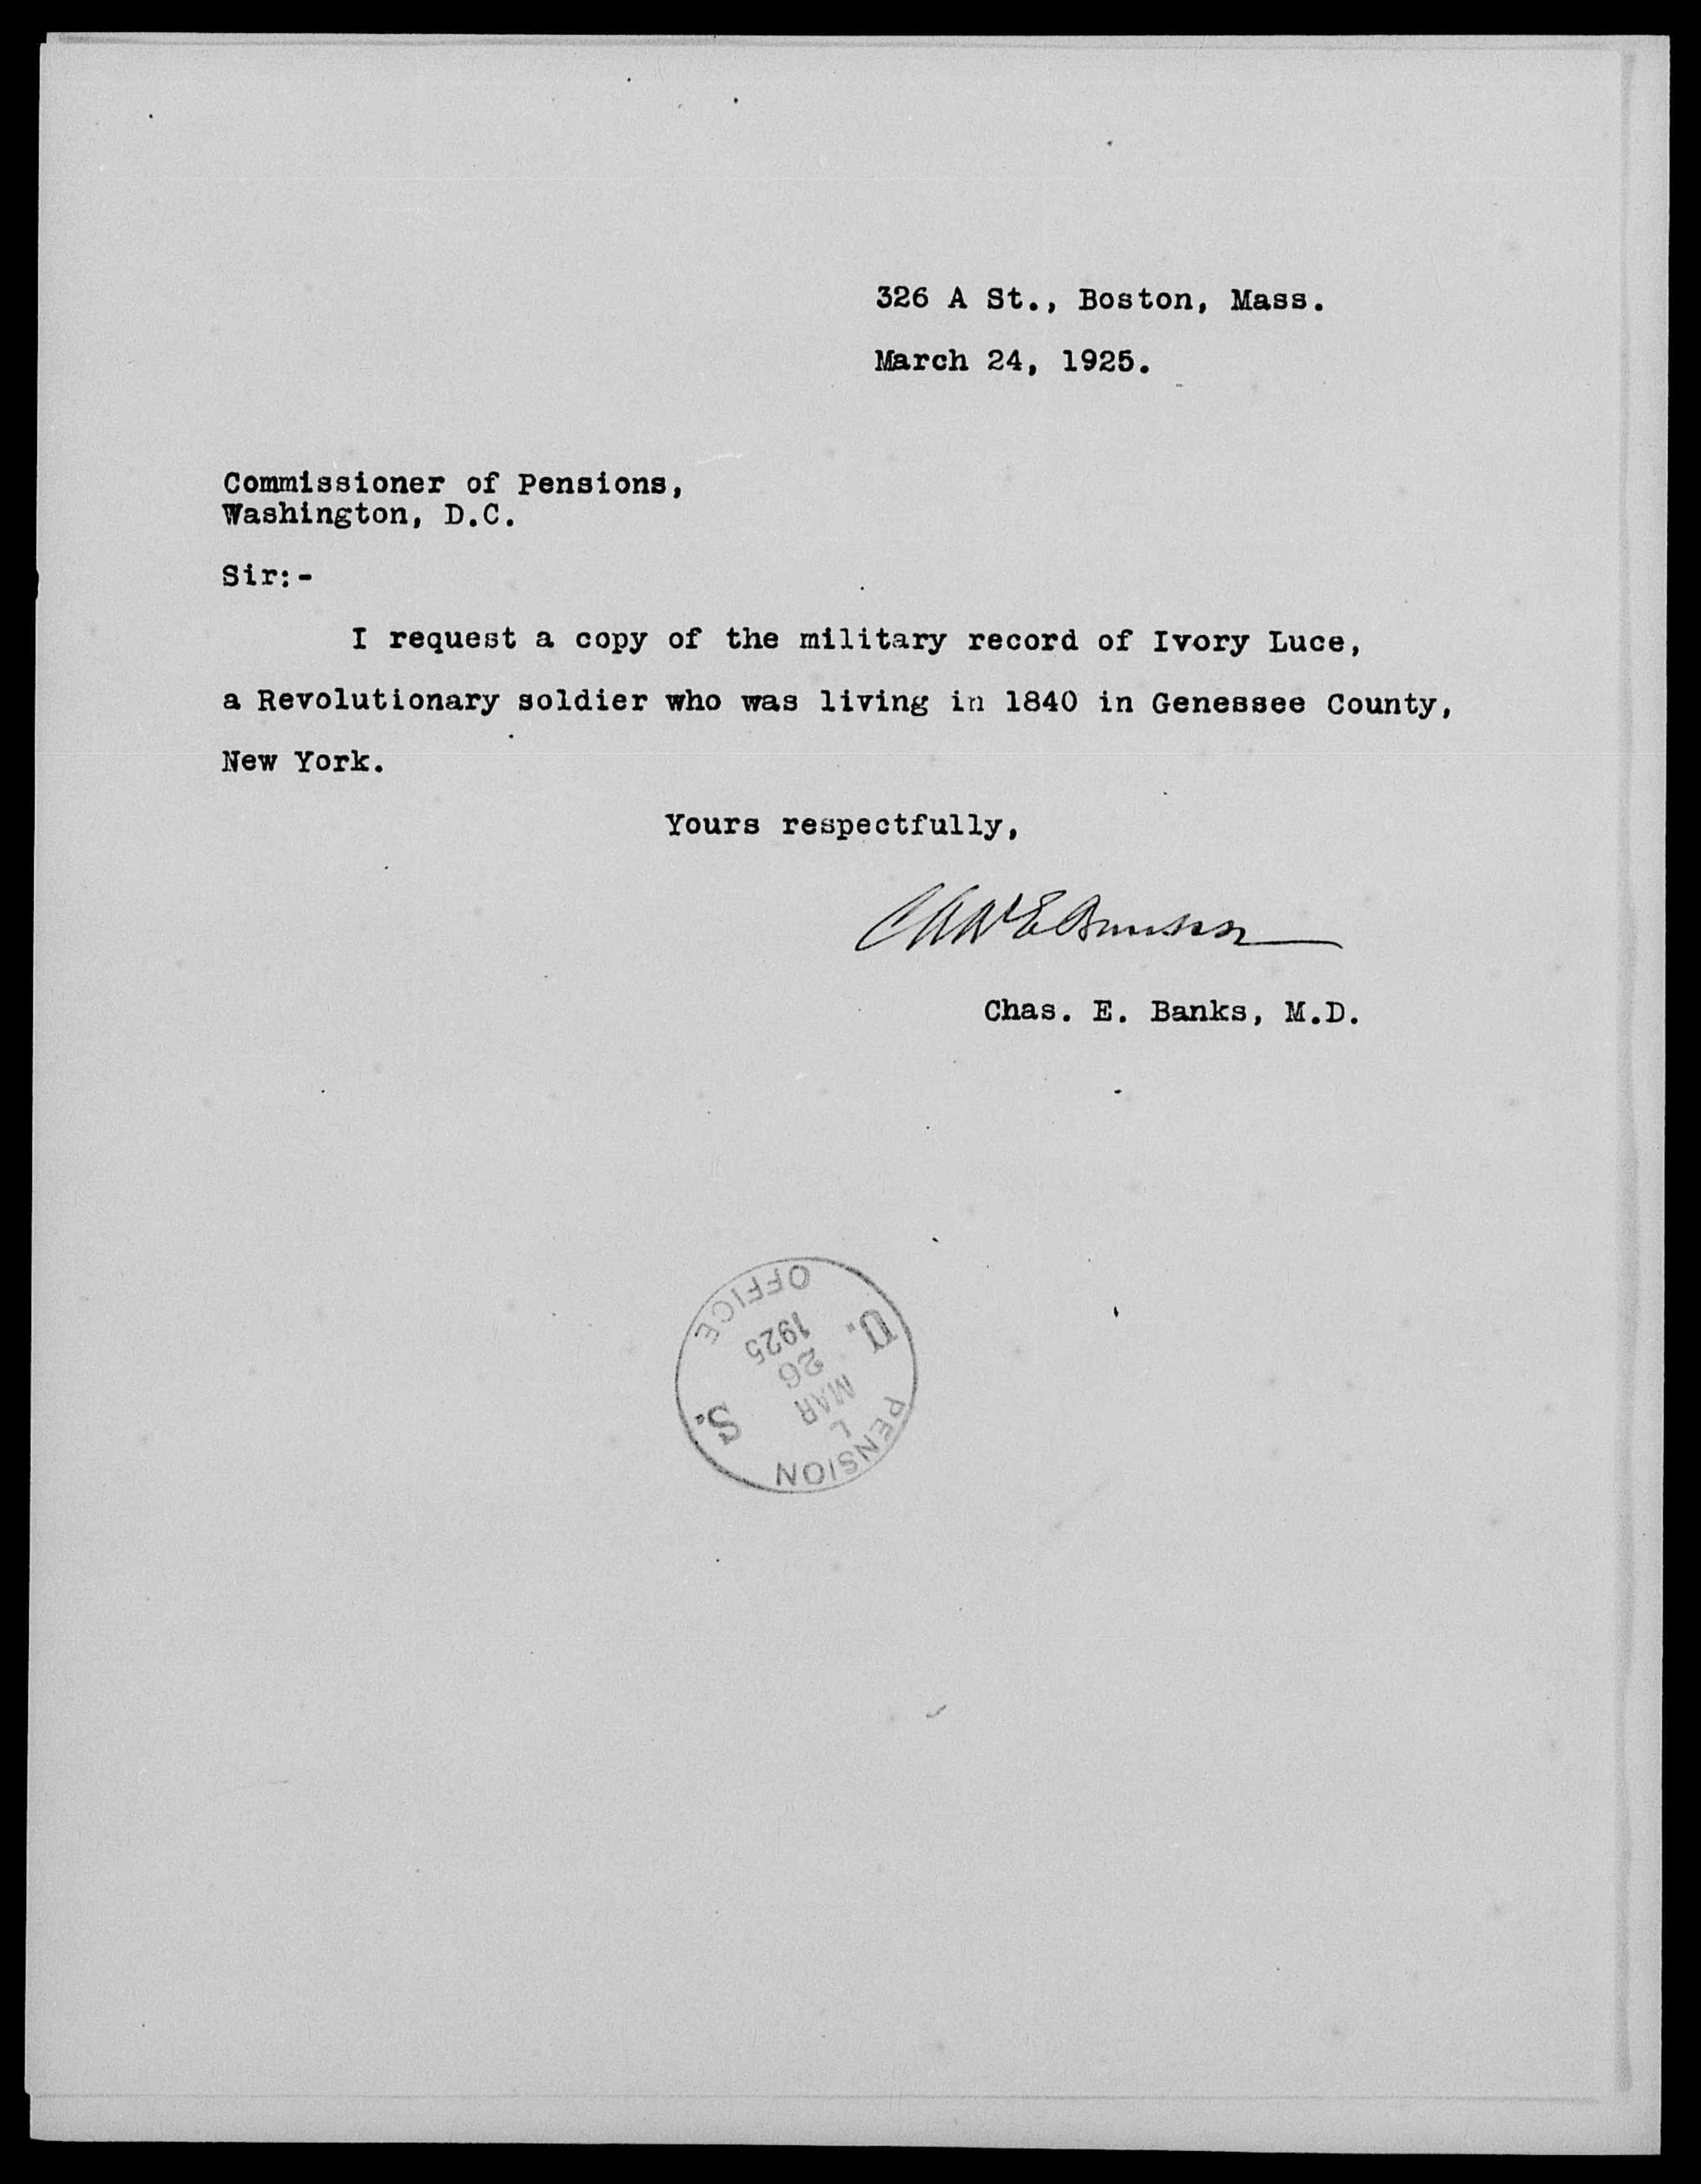326 A St., Boston, Mass.
March 24, 1925.

Commissioner of Pensions,
Washington, D.C.

Sir: - 

I request a copy of the military record of Ivory Luce, A Revolutionary soldier who was living in 1840 in Genessee County, New York.

Yours respectfully,
[signed]
Chas. E. Banks
Chas. E. Banks, M.D.

[stamped]
U. S. PENSION OFFICE MAR 26 1925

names: Chas E Banks; Ivory Luce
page: 67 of 70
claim: rejected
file: R. 6510, for Israel Luce, New York